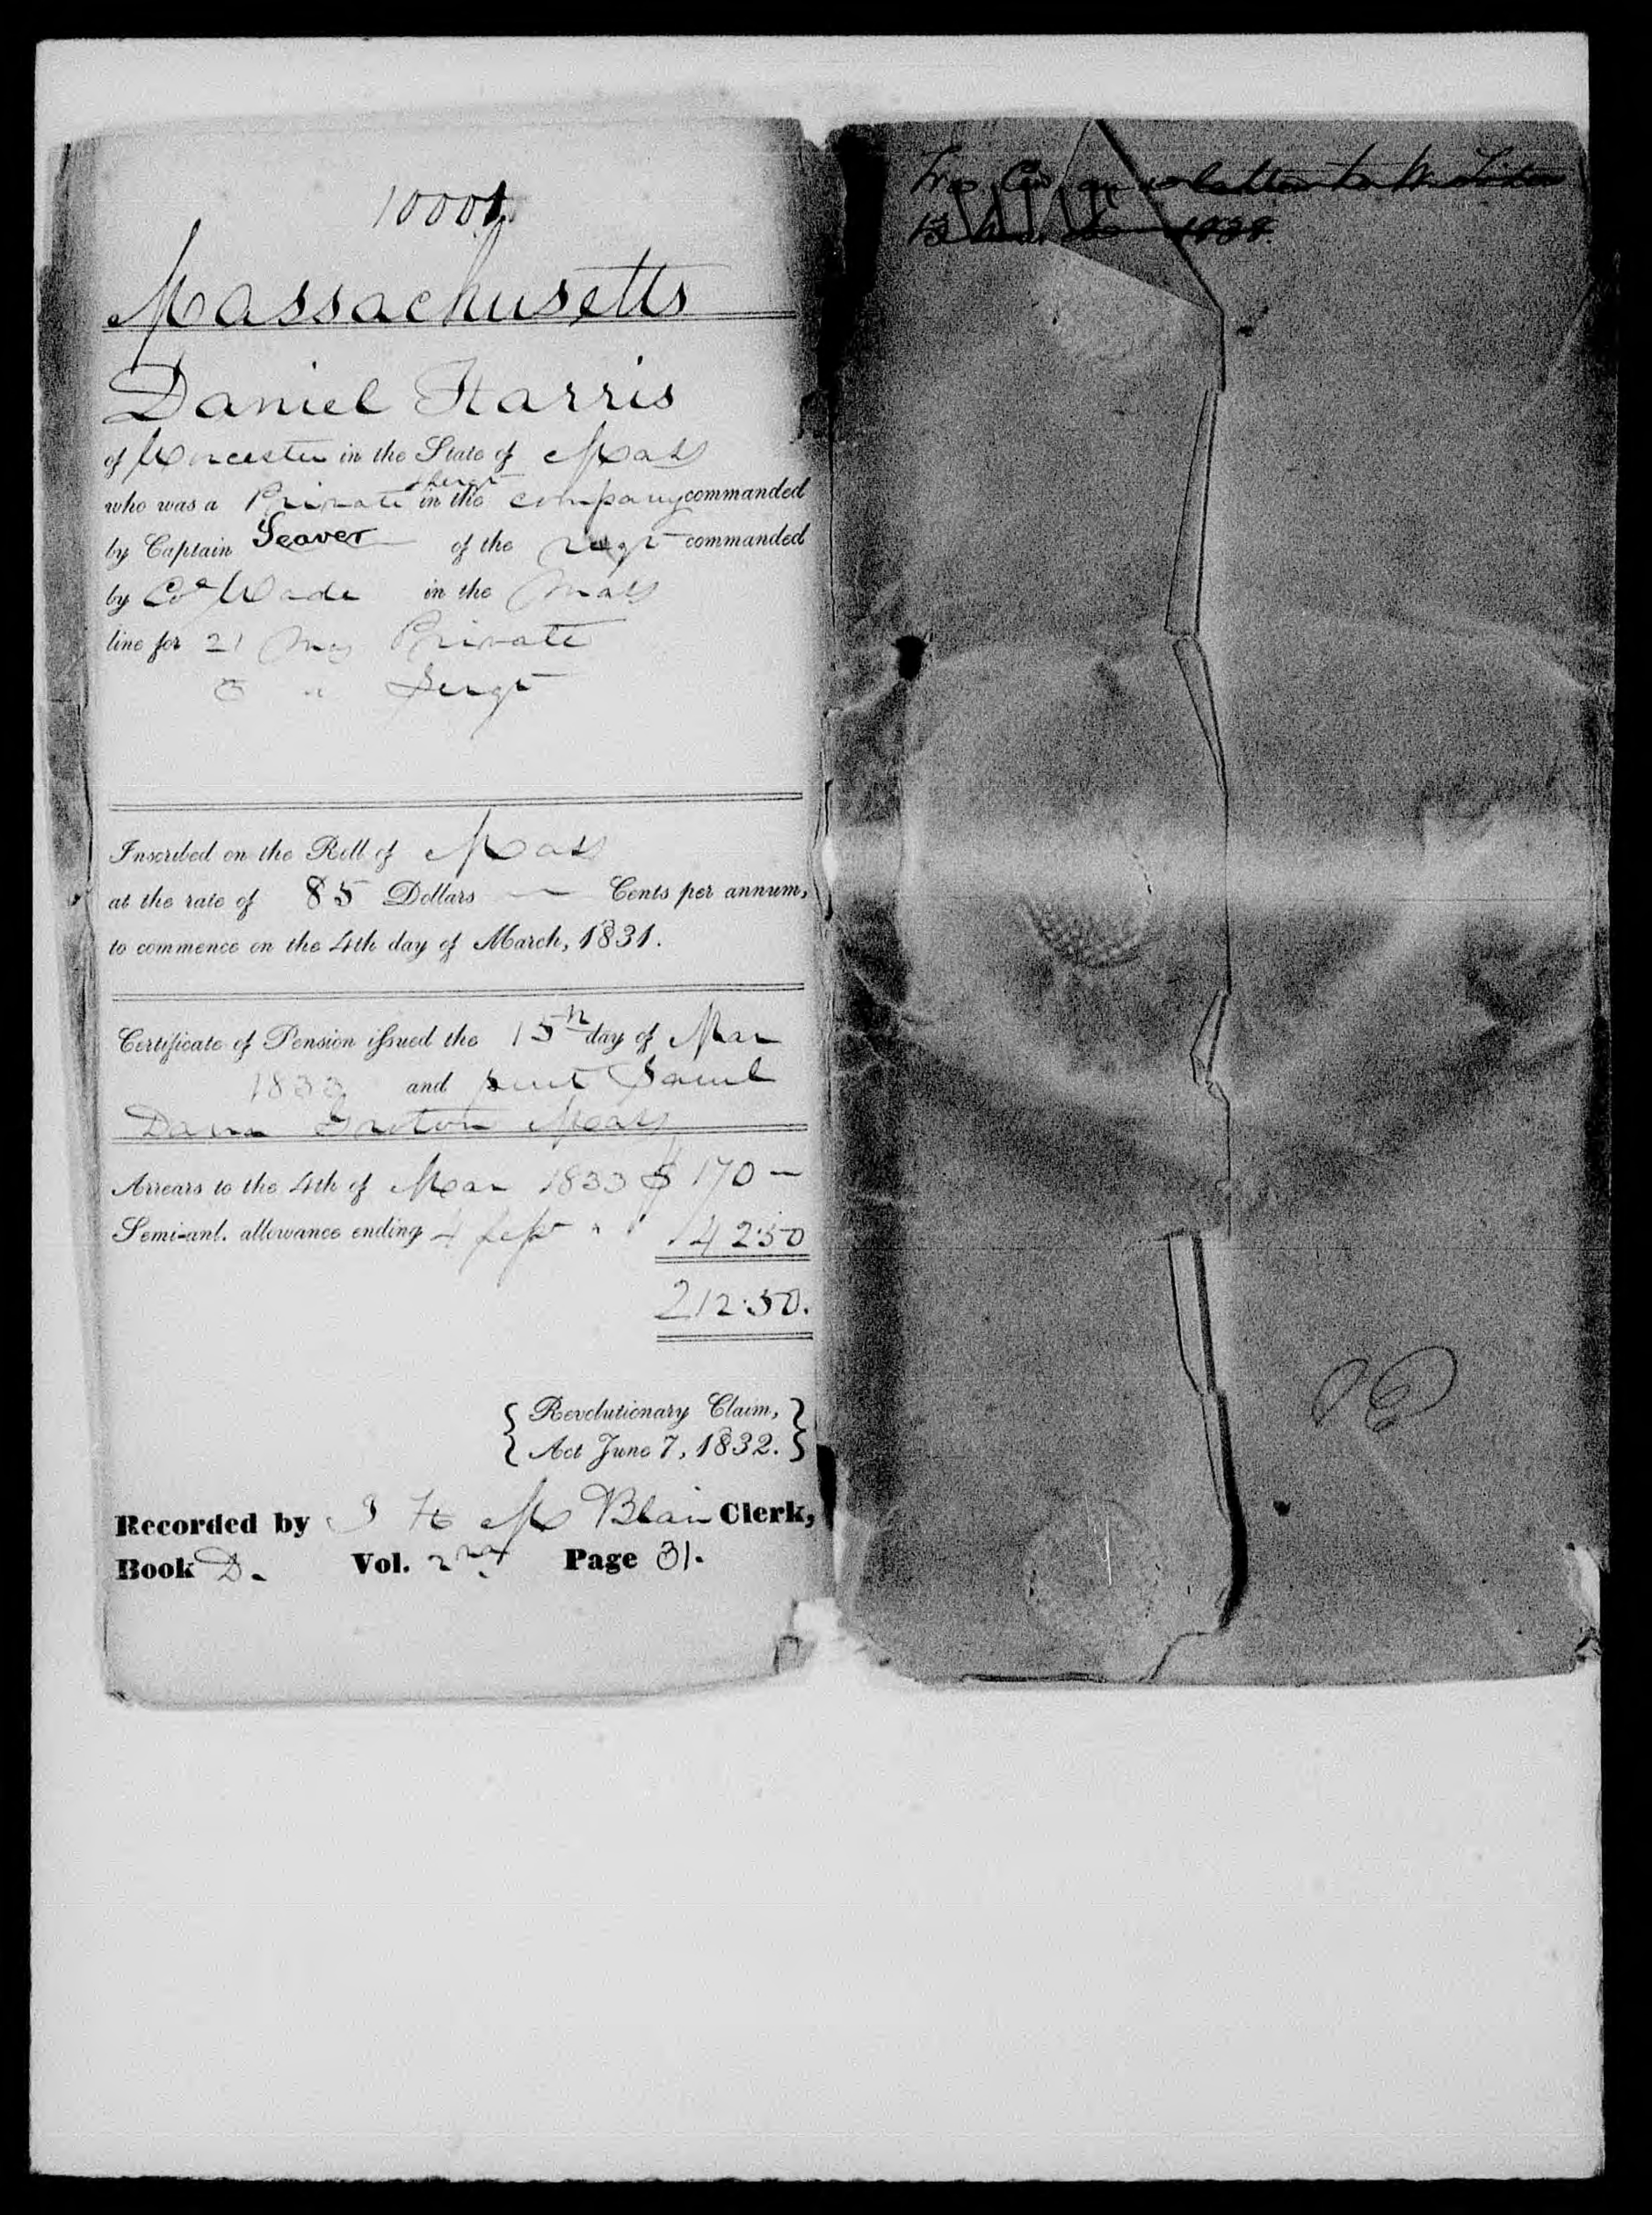10001

Massachusetts
============================
Daniel Harris
of Worcester in the State of Mass
who was a Private & Sargt in the company commanded by Captain Seaver of the regt commanded by Col. Wade in the Mass
line for 2 months Private
3 months Sargt.
==============================

Inscribed  on the Roll of Mass
at the rate 85 Dollars -----Cents per annum, to commence on the 4th day of March 1831.
==============================
Certificate of Pension issued the 15th day of Marchi 1833 and sent Saml Dana, Groton, Mass
==============================
Arrears to the 4th of April 1833   $170.--
Semi-anl. allowance ending 4 Feb ..42.50
====================== 212.50
{Revolutionary Claim
Act June 7, 1832.}

Recorded by 3 Feb J.F, Mc Blair Clerk, 
Book D.  Vol 2   Page 31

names: Saml Dana, Daniel Harris, Seaver, J F Mc Blair, Wade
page: 2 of 68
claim: survivor's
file: S. 29,877, Daniel Harris, Mass.